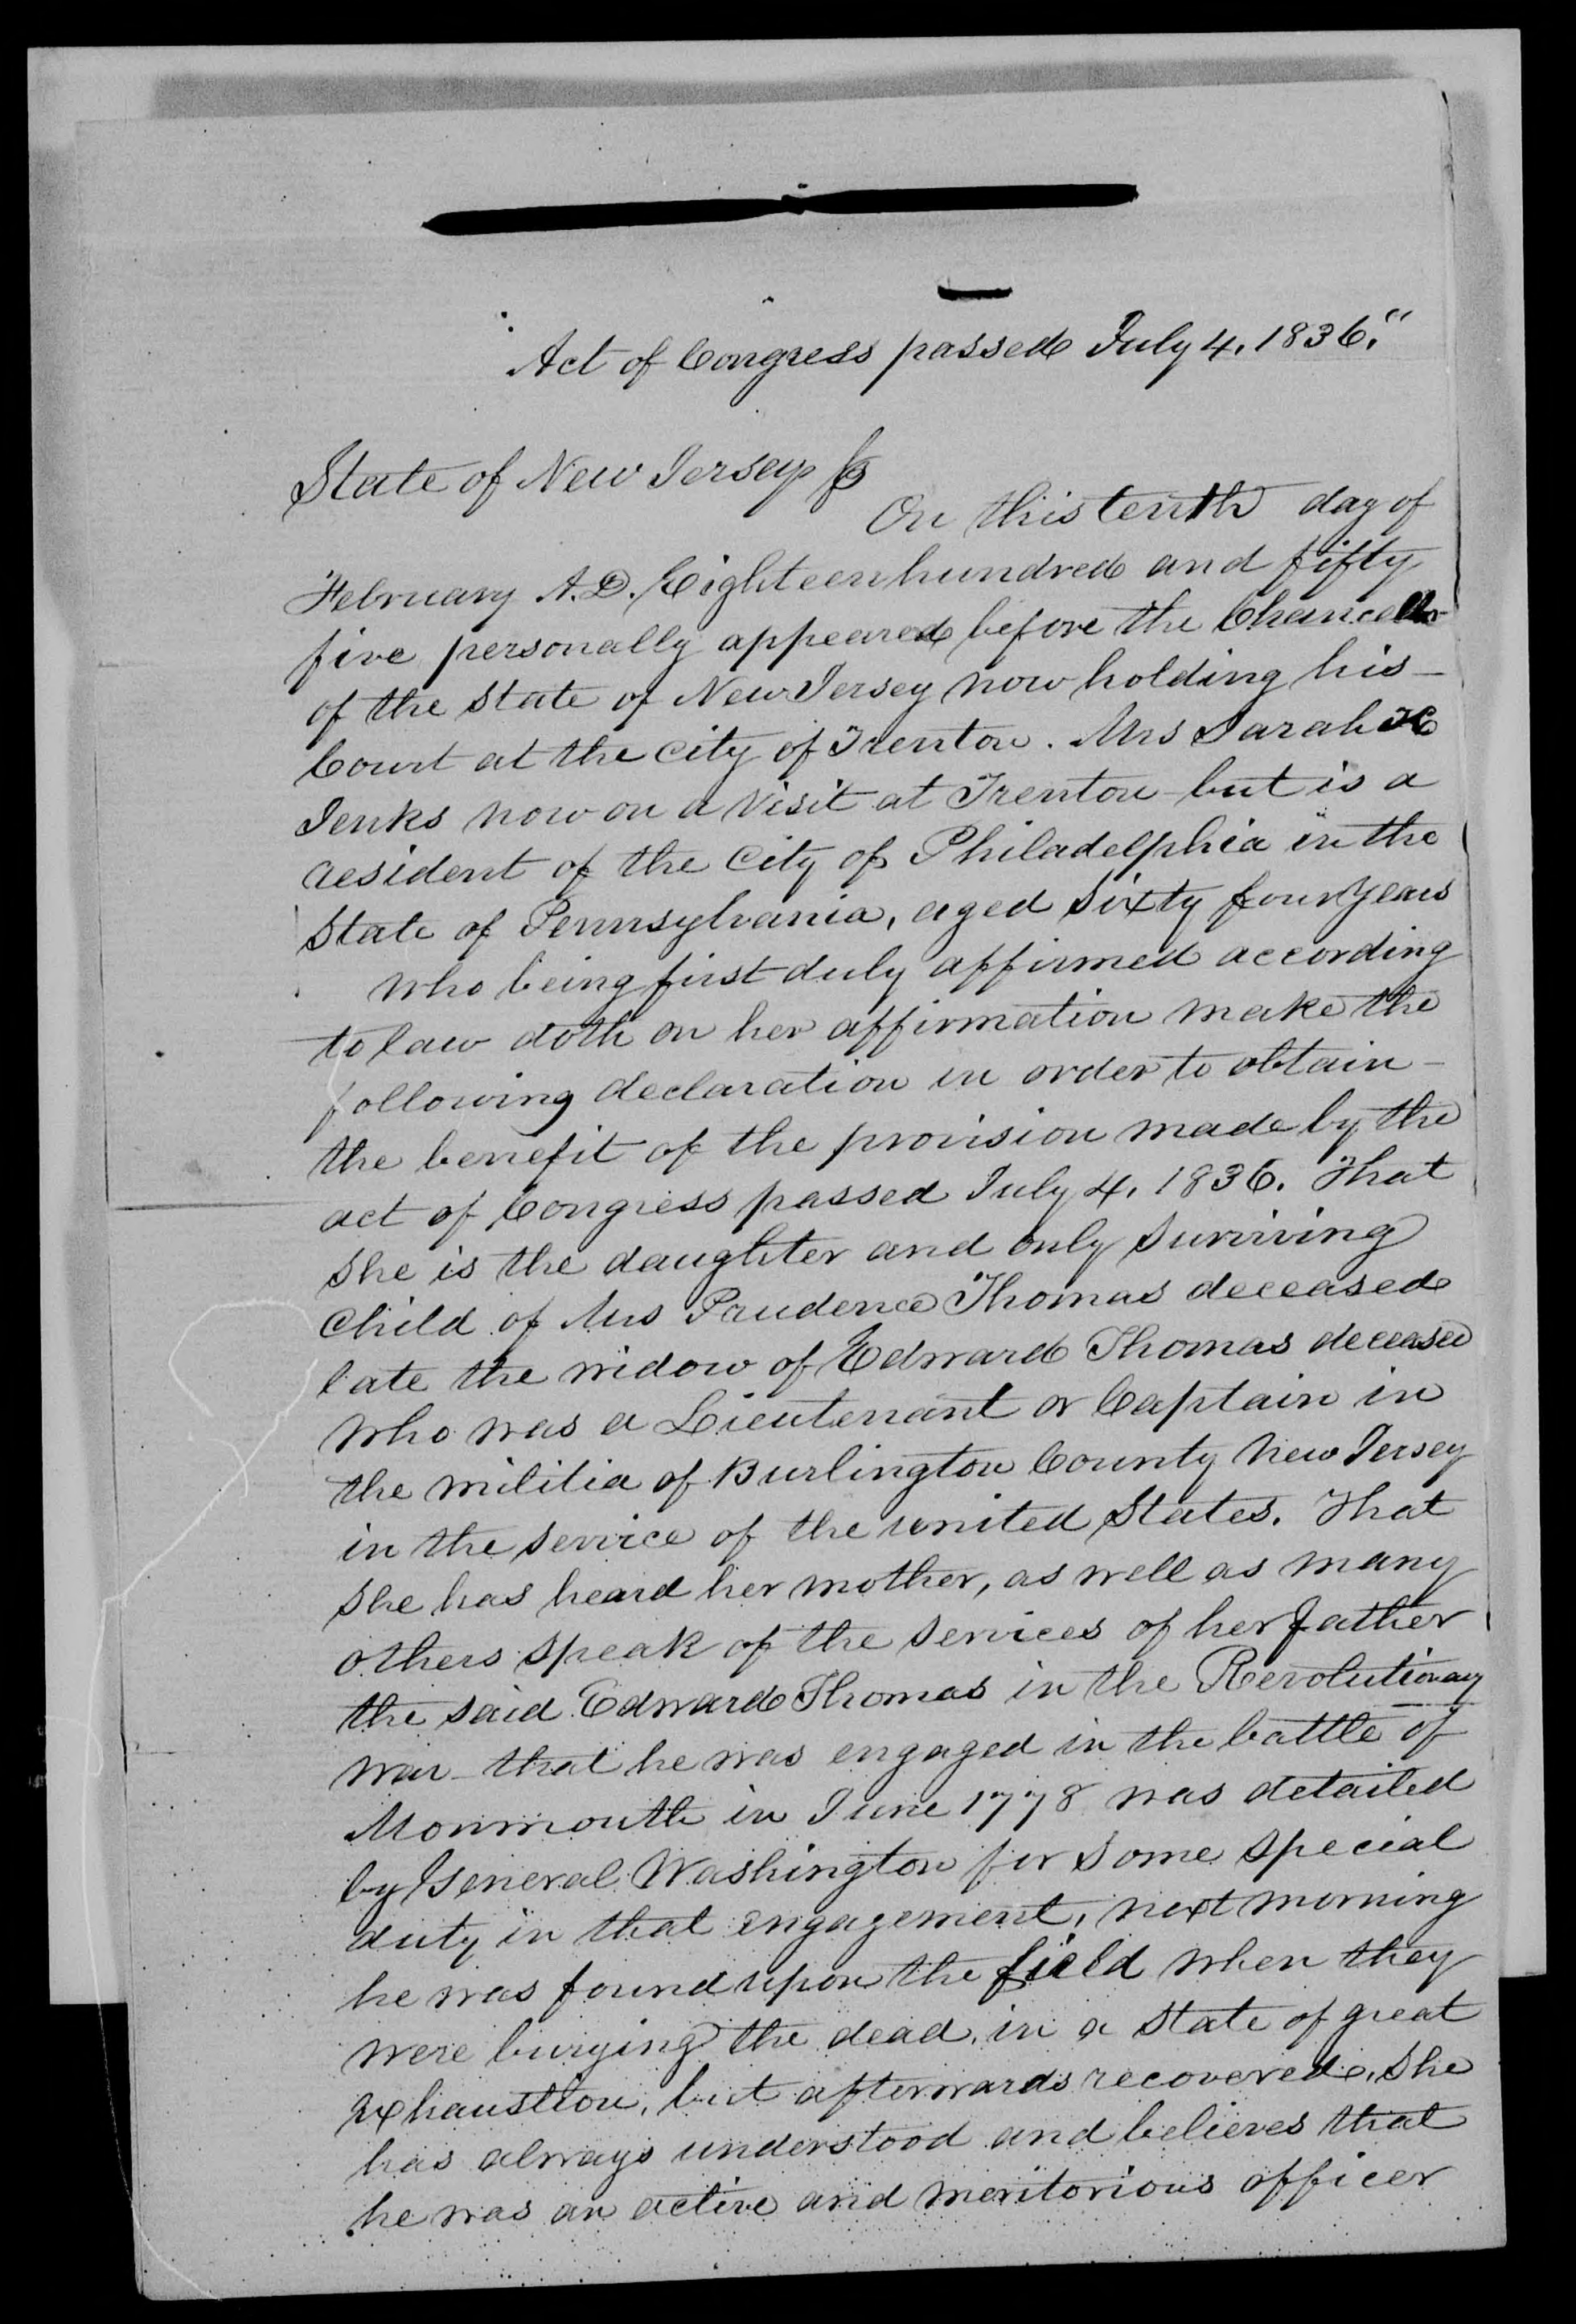Act of Congress passed July 4, 1836
State of New Jersey
On this tenth day of February A.D. Eighteen hundred and fifty five personally appeared before the Chancellor of New Jersey now holding his court at the city of Trenton. Mrs Sarah Jenks now on a visit at Trenton but is a resident of the city of Philadelphia in the State of Pennsylvania, aged Sixty four years who first being duly affirmed according to law doth on her affirmation make the following declaration in order to obtain the benefit of the provision made by the Act of Congress passed July 4, 1836. That she is the daughter and only surviving child of Mrs Prudence Thomas deceased late the widow of Edward Thomas deceased who was a Lieutenant or Captain in the militia of Burlington County New Jersey in the service of the United States. That she has heard her mother, as well as may others speak of the services of her father the said Edward Thomas in the Revolutionary War that he was engaged in the Battle of Monmouth in June 1778 was detailed by General Washington for some special duty in that engagement, next morning he was found upon the field when they were burying the dead in a state of great exhaustion, but afterwards recovered. She has always understood and believes that he was an active and meritorious officer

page: 4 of 25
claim: rejected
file: R. 10513, for Edward Thomas, New Jersey